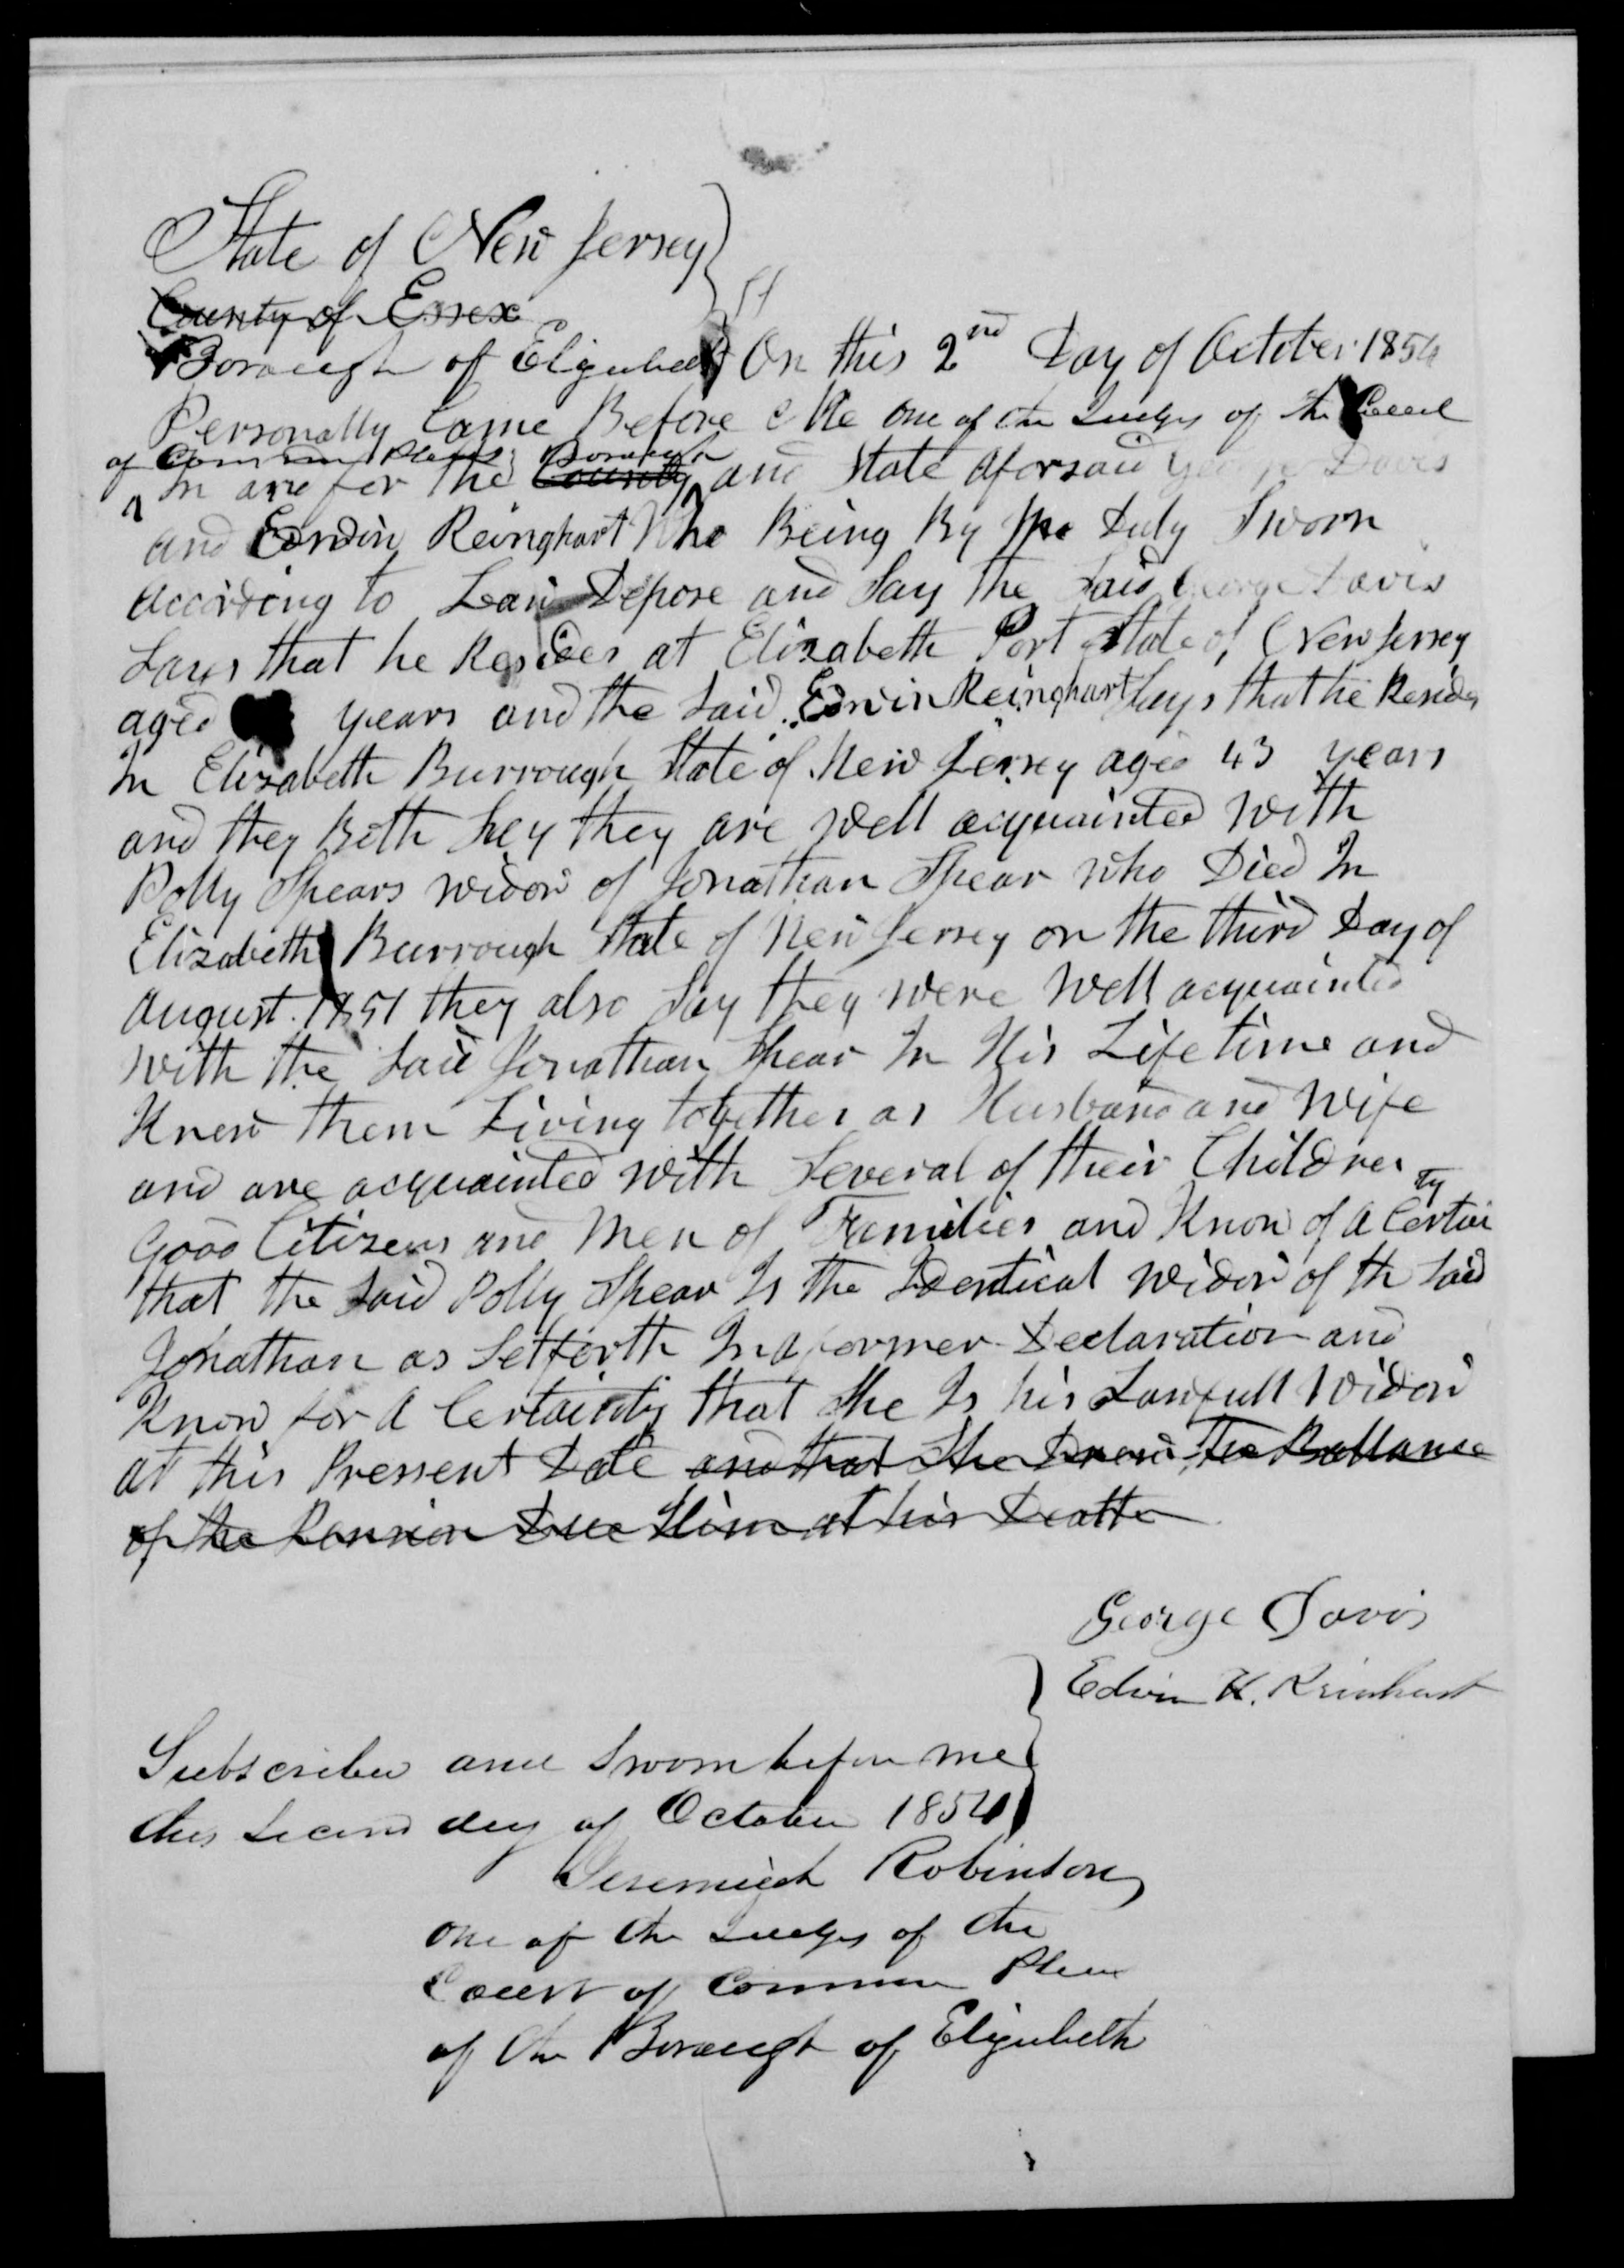State of New Jersey
['County of Essex' crossed out]
Borough of Elizabeth} ss On this 2nd day of October 1856 Personally came Before Me one of the Judges of th Court of Common Pleas in and for the ['County' crossed out] Borough and State aforesaid George Davis and Edwin Reinghart who being by me duly sworn according to Law Depose and Say that Said George Davis Says that he Resides at Elizabeth Port State of New Jersey aged [illegible] years and the Said Edwin Reinghart Say, the he Resides In Elizabeth Burrough State of New Jersey aged 43 years and they Both Say they are well acquainted with Polly Spears widow of Jonathan Spear who Died In Elizabeth Burrough State of New Jersey on the third day of August 1851 they also Say they were well acquainted with the Said Jonathan Spear In His Lifetime and Knew them Living together as Husband and Wife and are acquainted with Several of their Children good Citizens and Men of Families and know of a Certainty that the said Polly Spear Is the Identical widow of the said Jonathan as set forth In a former Declaration and know for a Certainty that She Is the Lawfull Widow at this Pressent Date ['and that she Drew the Ballance of the Pension Due Him at his Death' crossed out]
/s/George Davis
/s/Edwin H. Reinhart
Subscribed and Sworn before me this Second day of October 1854} 
/s/Jeremiah Robinson one of the Judges of the  Court of Common Pleas of the Borough of Elizabeth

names: George Davis; Edwin H Reinhart; Polly Spears; Polly Spear; Jeremiah Robinson; Jonathan Spear; George Davis; Edwin Reinghart; George Davis; Edwin Reinghart; Jonathan [BLANK]; Jonathan Spear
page: 56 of 65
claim: widow's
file: W. 7197, for Jonathan Spear, Vermont